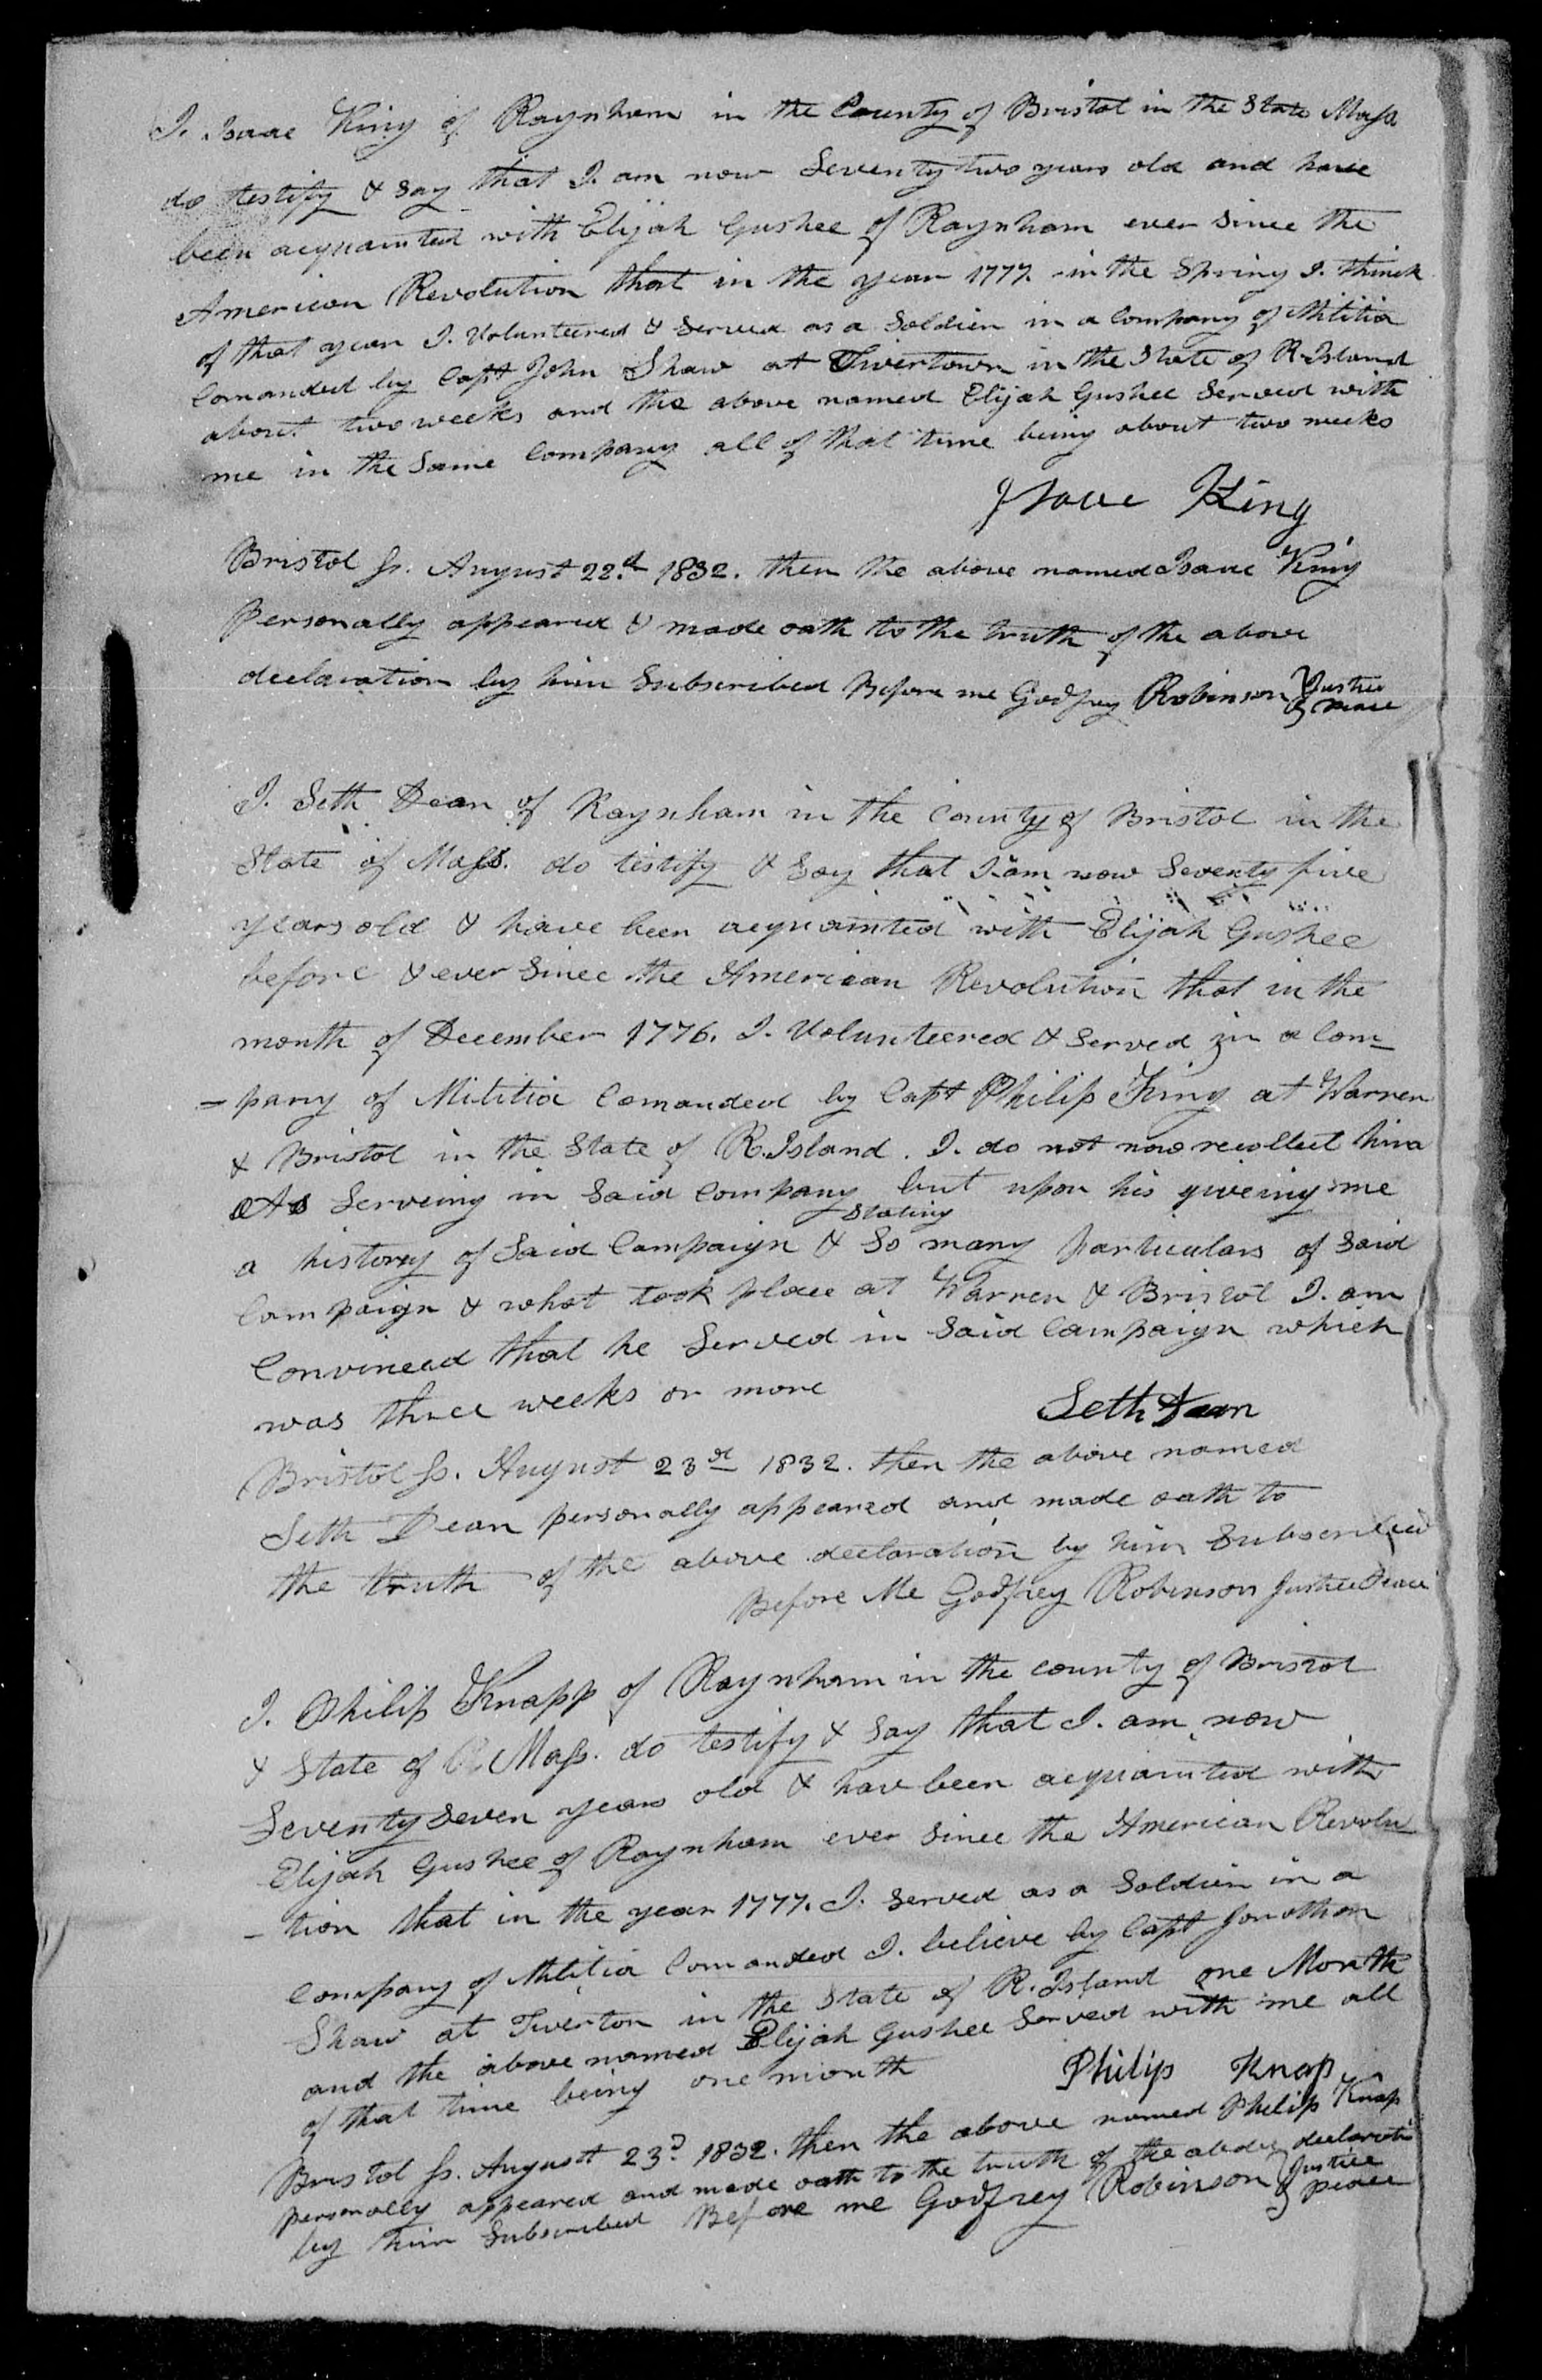I Isaac King of Raynham in the County of Bristol in the State Mass
do testify & say that I am now seventy two years old and have
been acquainted with Elijah Gushee of Raynham ever since the
American Revolution that in the year 1777 in the Spring I think
of that year I volunteered & served as a soldier in a Company of Militia
commanded by Capt John Shaw at Tivertown in the State of R Island
about two weeks and the above named Elijah Gushee served with
me in the same company all of that time being about two weeks
Isaac King
Bristol Ss. August 22d 1832, then the above named Isaac King
personally appeared & made oath to the truth of the above
declaration by him subscribed Before me Godfrey Robinson } Justice of Peace

I Seth Dean of Raynham in the County of Bristol in the 
State of Mass do testify & say that I am now seventy five
years old & have been acquainted with Elijah Gushee before
& ever since the American Revolution that in the
month of December 1776, I volunteered & served in a Company of Militia Commanded by Capt Philip King at Warren
& Bristol in the State of R. Island. I do not now recollect him
As serving in said company but upon his giving me
a history of said Campaign & ^ stating so many particulars of said
Campaign & what took place at Warren & Bristol I am
convinced that he served in said campaign which
was three weeks or more
Seth Dean

Bristol ss. August 23rd 1832. then the above named
Seth Dean personally appeared and made oath to
the truth of the above declaration by him subscribed
Before Me Godfrey Robinson Justice Peace

I Philip Knapp of Raynham in the County of Bristol
State of Mass do testify & say that I am now
Seventy Seven years old & have been acquainted with
Elijah Gushee of Raynham ever since the American Revolution that in the year 1777. I served as a soldier in a
company of Militia Comanded I believe by Capt Jonathan
Shaw at Tiverton in the State of R. Island one Month
and the above named Elijah Gushee served with me all
of that time being one month
Philip Knap

Bristol ss. August 23d 1832. then the above named Philip Knap
personally appeared and made oath to the truth of the above declaration
by him subscribed Before me Godfrey Robinson}Justice Peace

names: Elijah Gushee, John Shaw, Philip King, Philip Knapp, Seth Dean, Godfrey Robinson, Seth Dean, Seth Dean, Isaac King, Philip Knap, Godfrey Robinson, Elijah Gushee, Isaac King, Godfrey Robinson, Philip Knap, Elijah Gushee, Isaac King, Elijah Gushee, Jonathan Shaw, Elijah Gushee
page: 30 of 36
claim: widow's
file: W. 8838, Elijah Gushee, Mass.